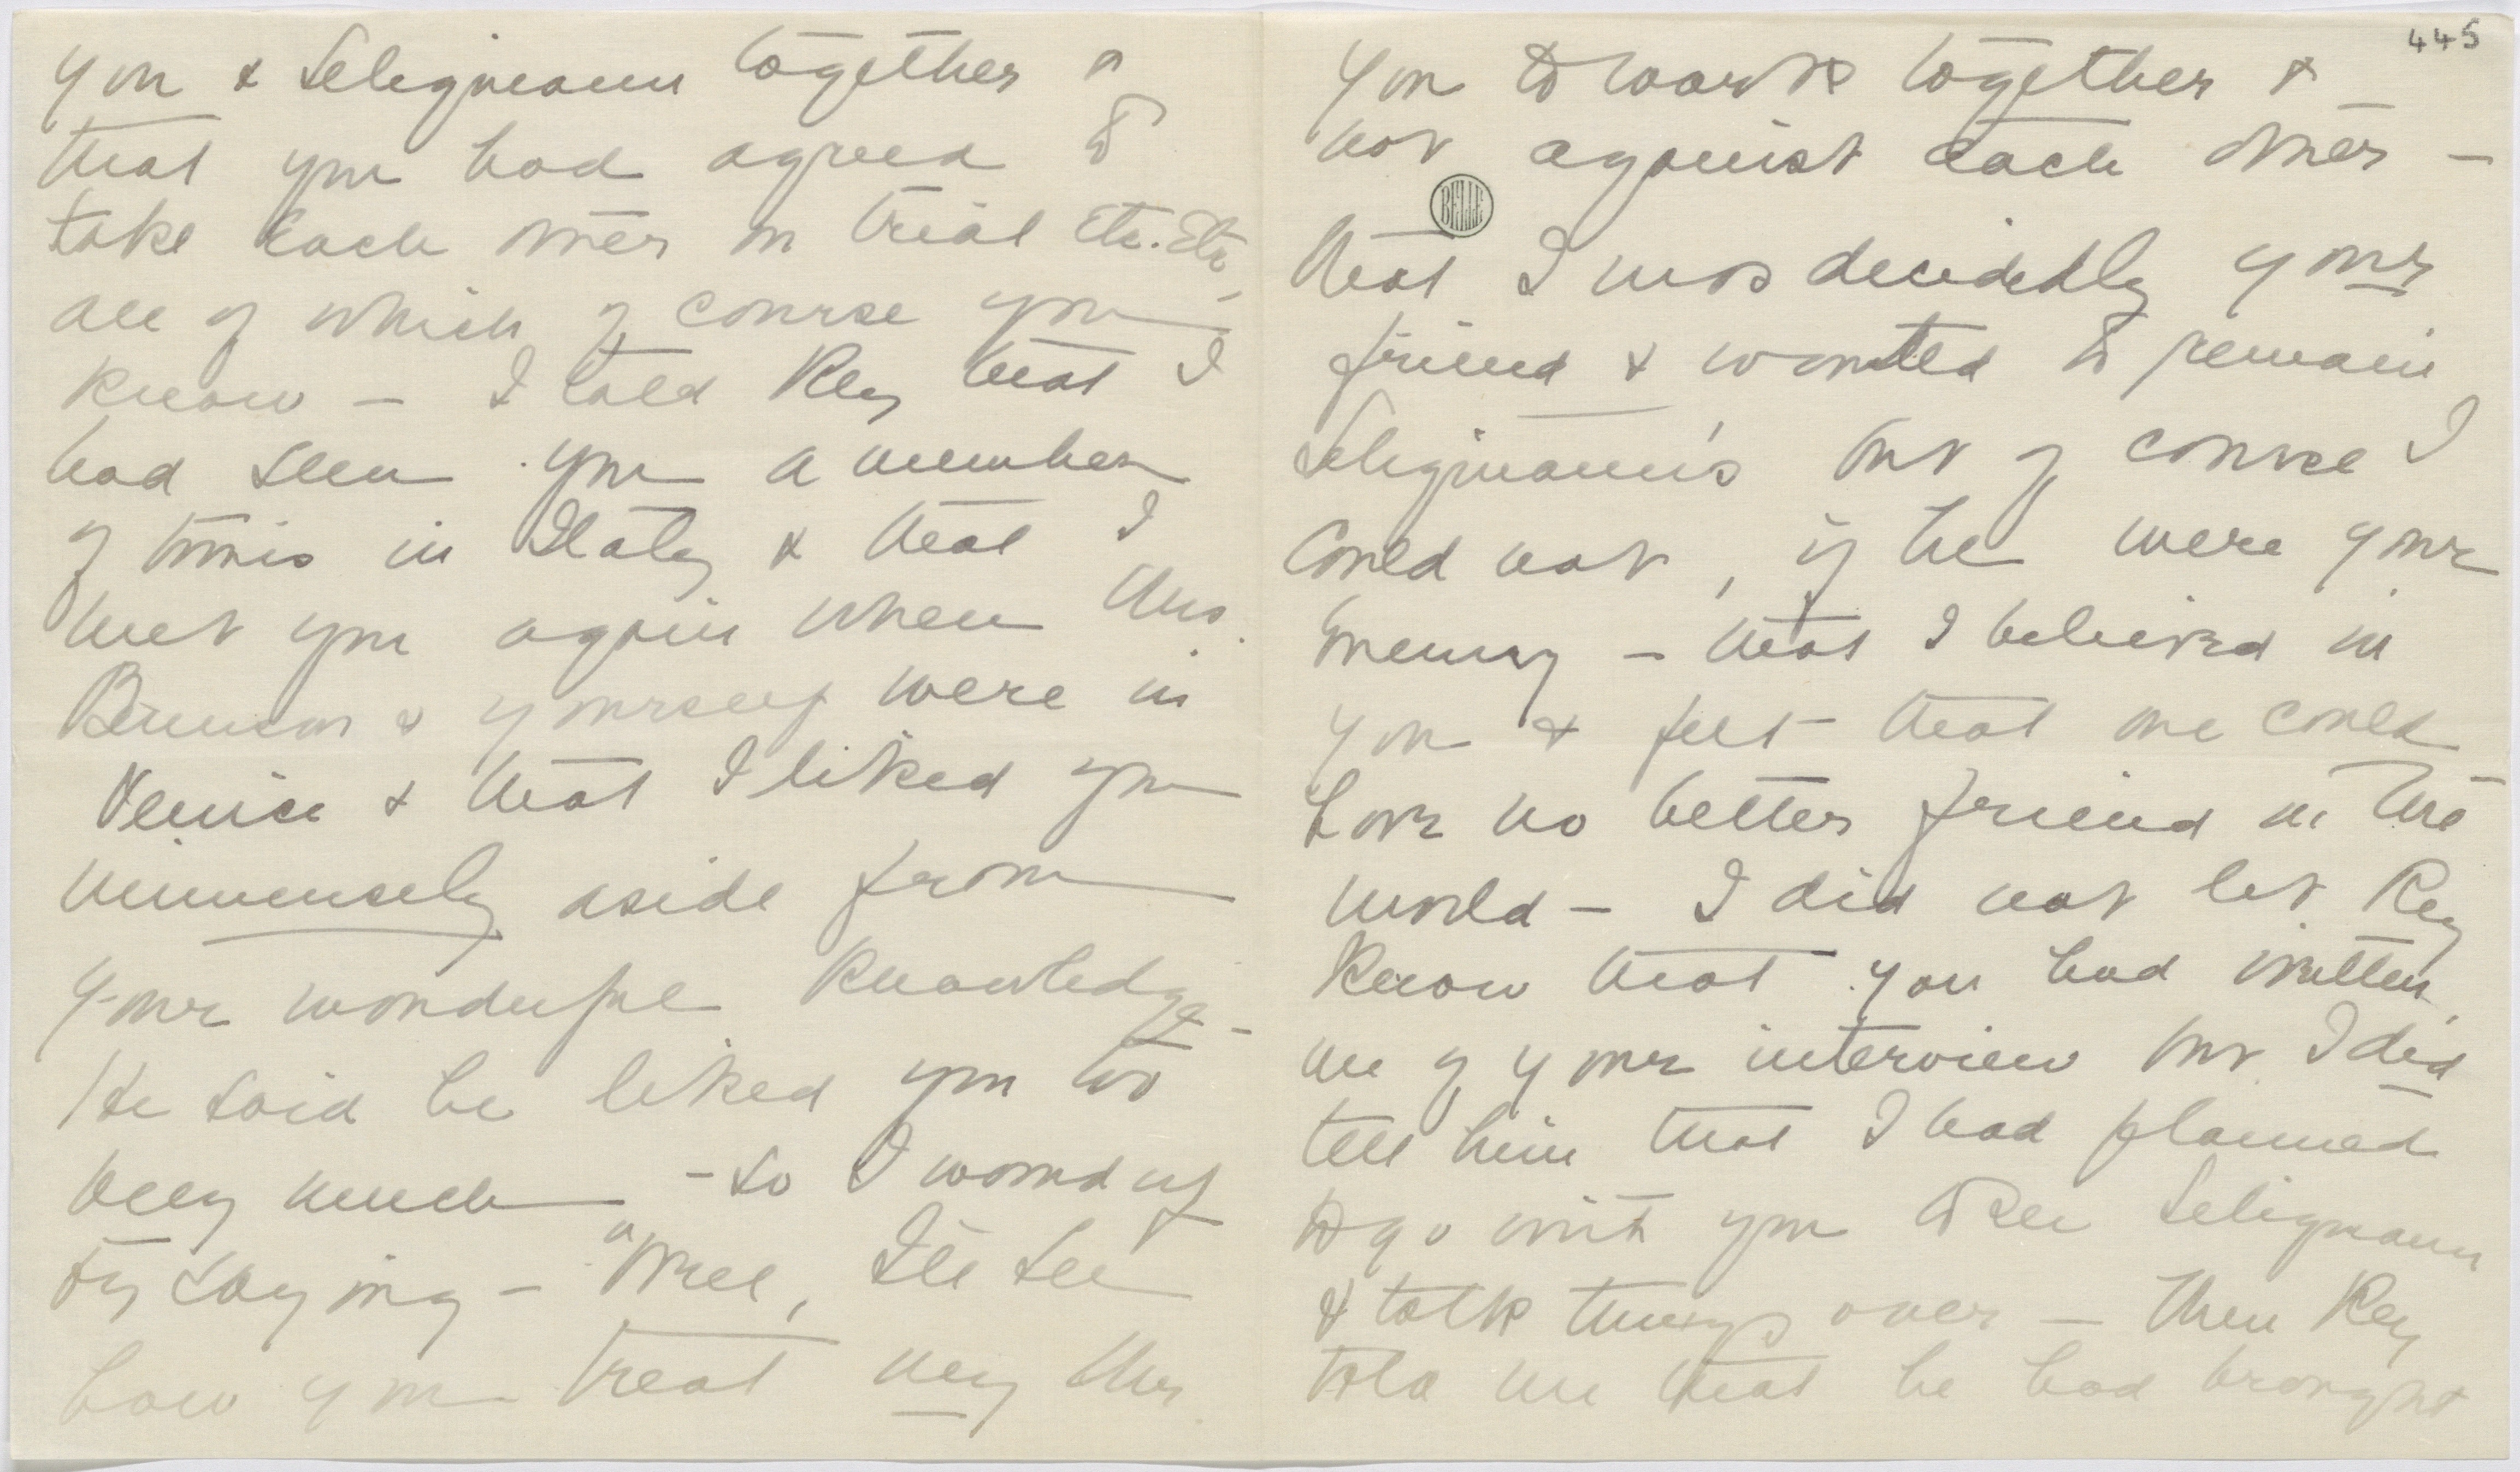You to work together & not against each other – that I was decidedly your friend & wanted to remain Seligmann’s but of course I could not, if he were your enemy – that I believed in you & felt that one could have no better friend in the world – I did not let Rey know that you had written me of your interview but I did tell him that I had planned to go with you to see Seligmann & talk things over – Then Rey told me that he had brought
you & Seligmann together & that you had agreed to take each other on trial etc. etc, all of which of course you know – I told Rey that I had seen you a number of times in Italy & that I met you again when Mrs. Berenson & yourself were in Venice & that I liked you immensely aside from your wonderful knowledge – He said he liked you too very much – so I wound up by saying – “Well, I’ll see how you treat my Mr.